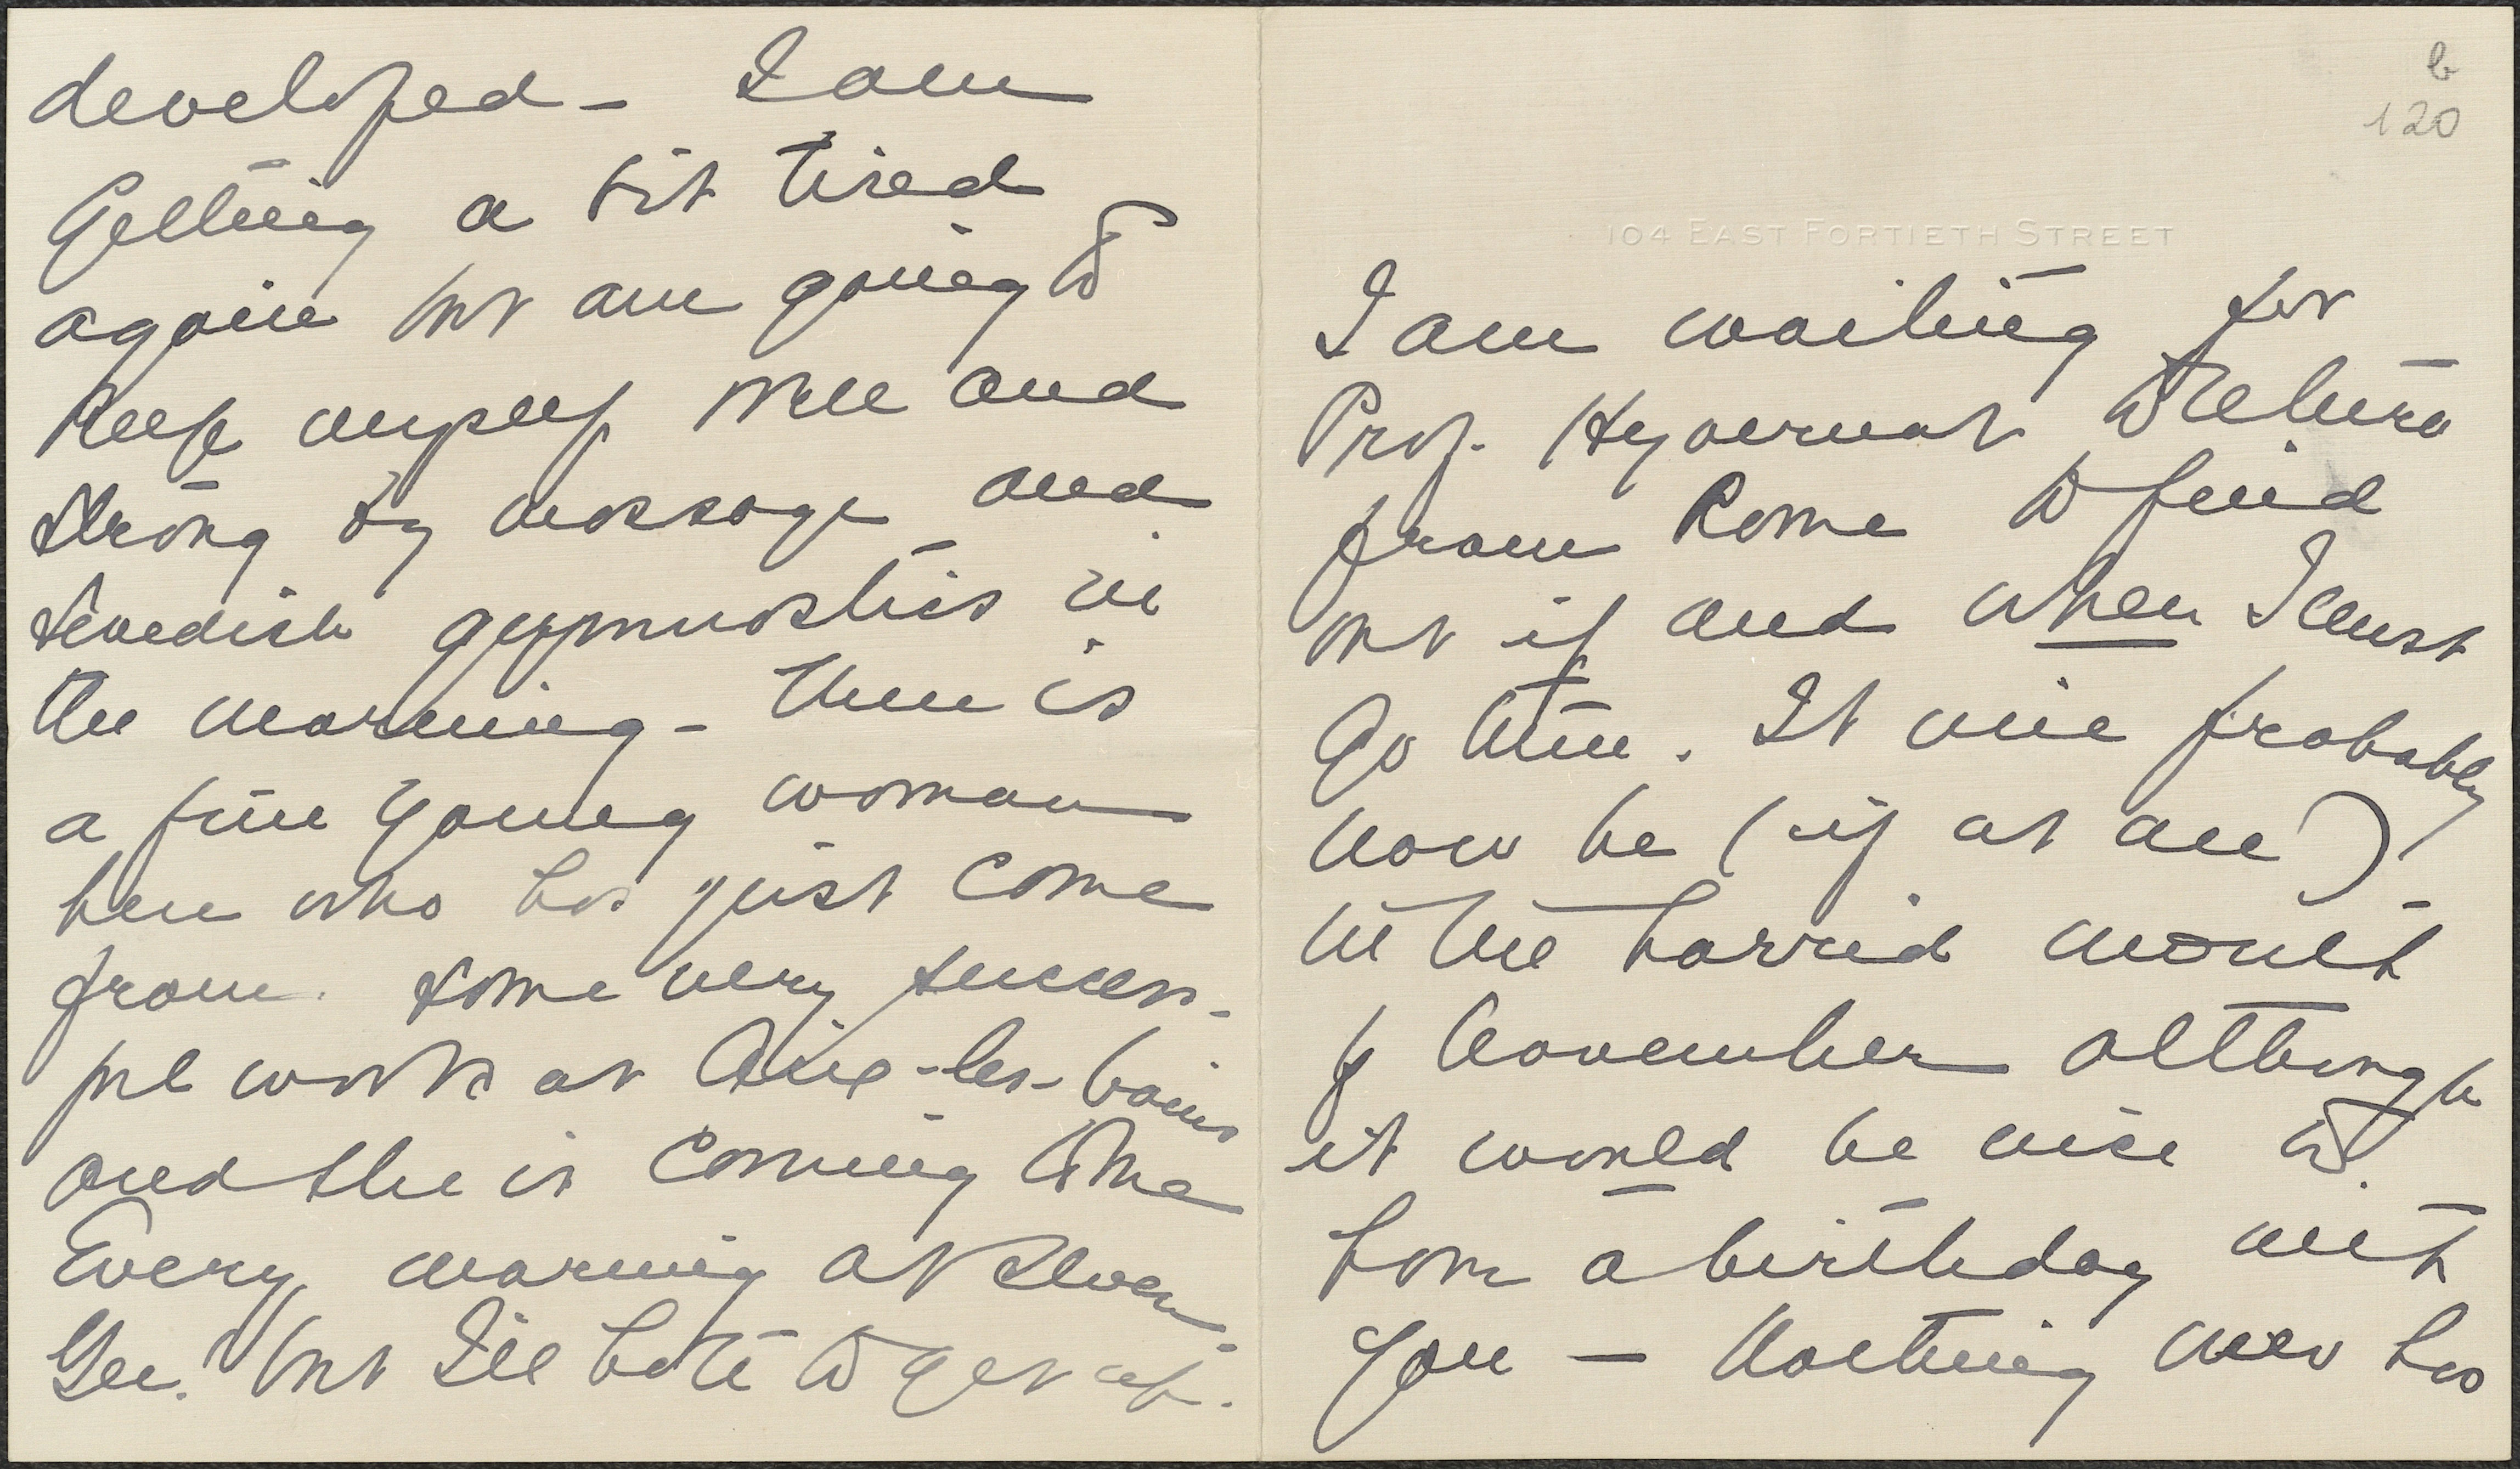I am waiting for Prof. Hyvernat to return from Rome to find out if and when I must go there. It will probably now be (if at all) in the horrid month of November although it would be nice to have a birthday with you – nothing new has
developed – I am getting a bit tired again but am going to keep myself well and strong by massage and Swedish gymnastics in the morning – There is a fine young woman here who has just come from some very successful work at Aix-les-bains and she is coming to me every morning at seven. Gee! but I’ll hate to get up.